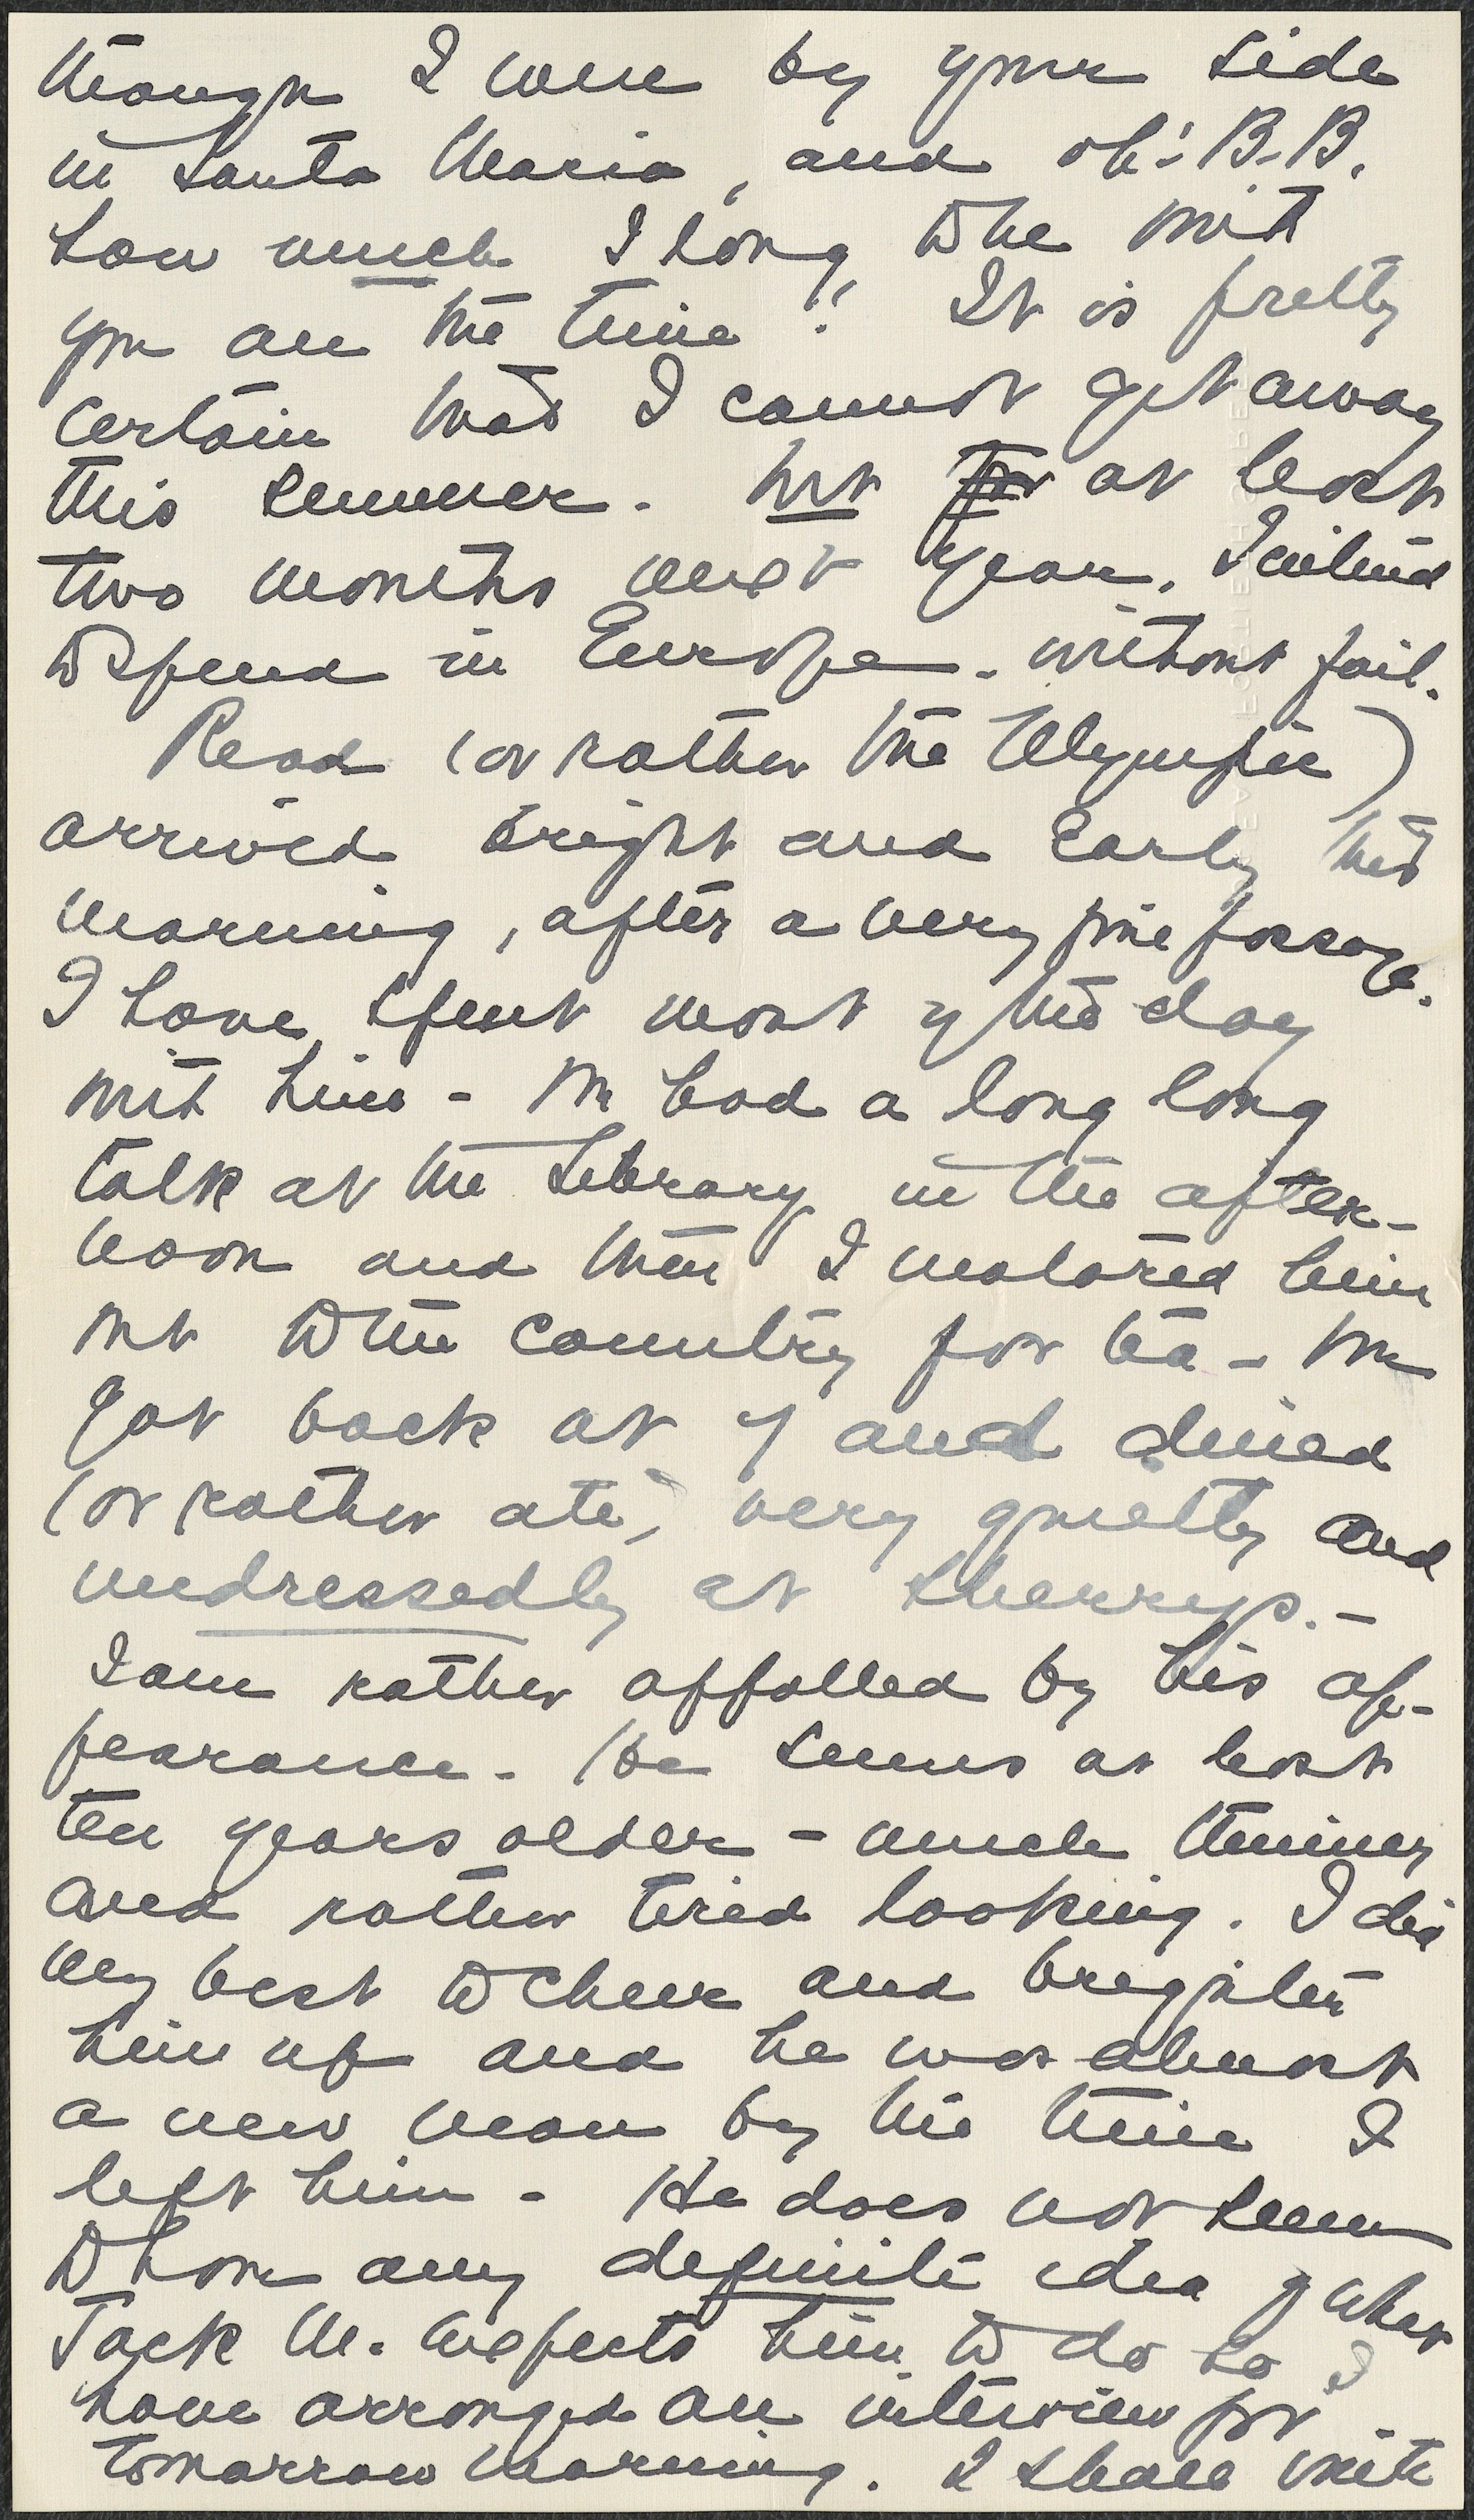though I were by your side in Santa Maria, and oh! B.B. how much I long to be with you all the time! It is pretty certain that I cannot get away this summer – but for at least two months next year, I intend to spend in Europe – without fail.
Read (or rather the Olympic) arrived bright and early this morning, after a very fine passage. I have spent most of the day with him – We had a long long talk at the Library in the afternoon and then I motored him out to the country for tea – We got back at 7 and dined (or rather ate, very quietly and undressedly at Sherrys. –
I am rather appalled by his appearance – He seems at least ten years older – much thinner and rather tired looking. I did my best to cheer and brighten him up and he was almost a new man by the time I left him – He does not seem to have any definite idea of what Jack M. expects him to do so I have arranged an interview for tomorrow morning. I shall write